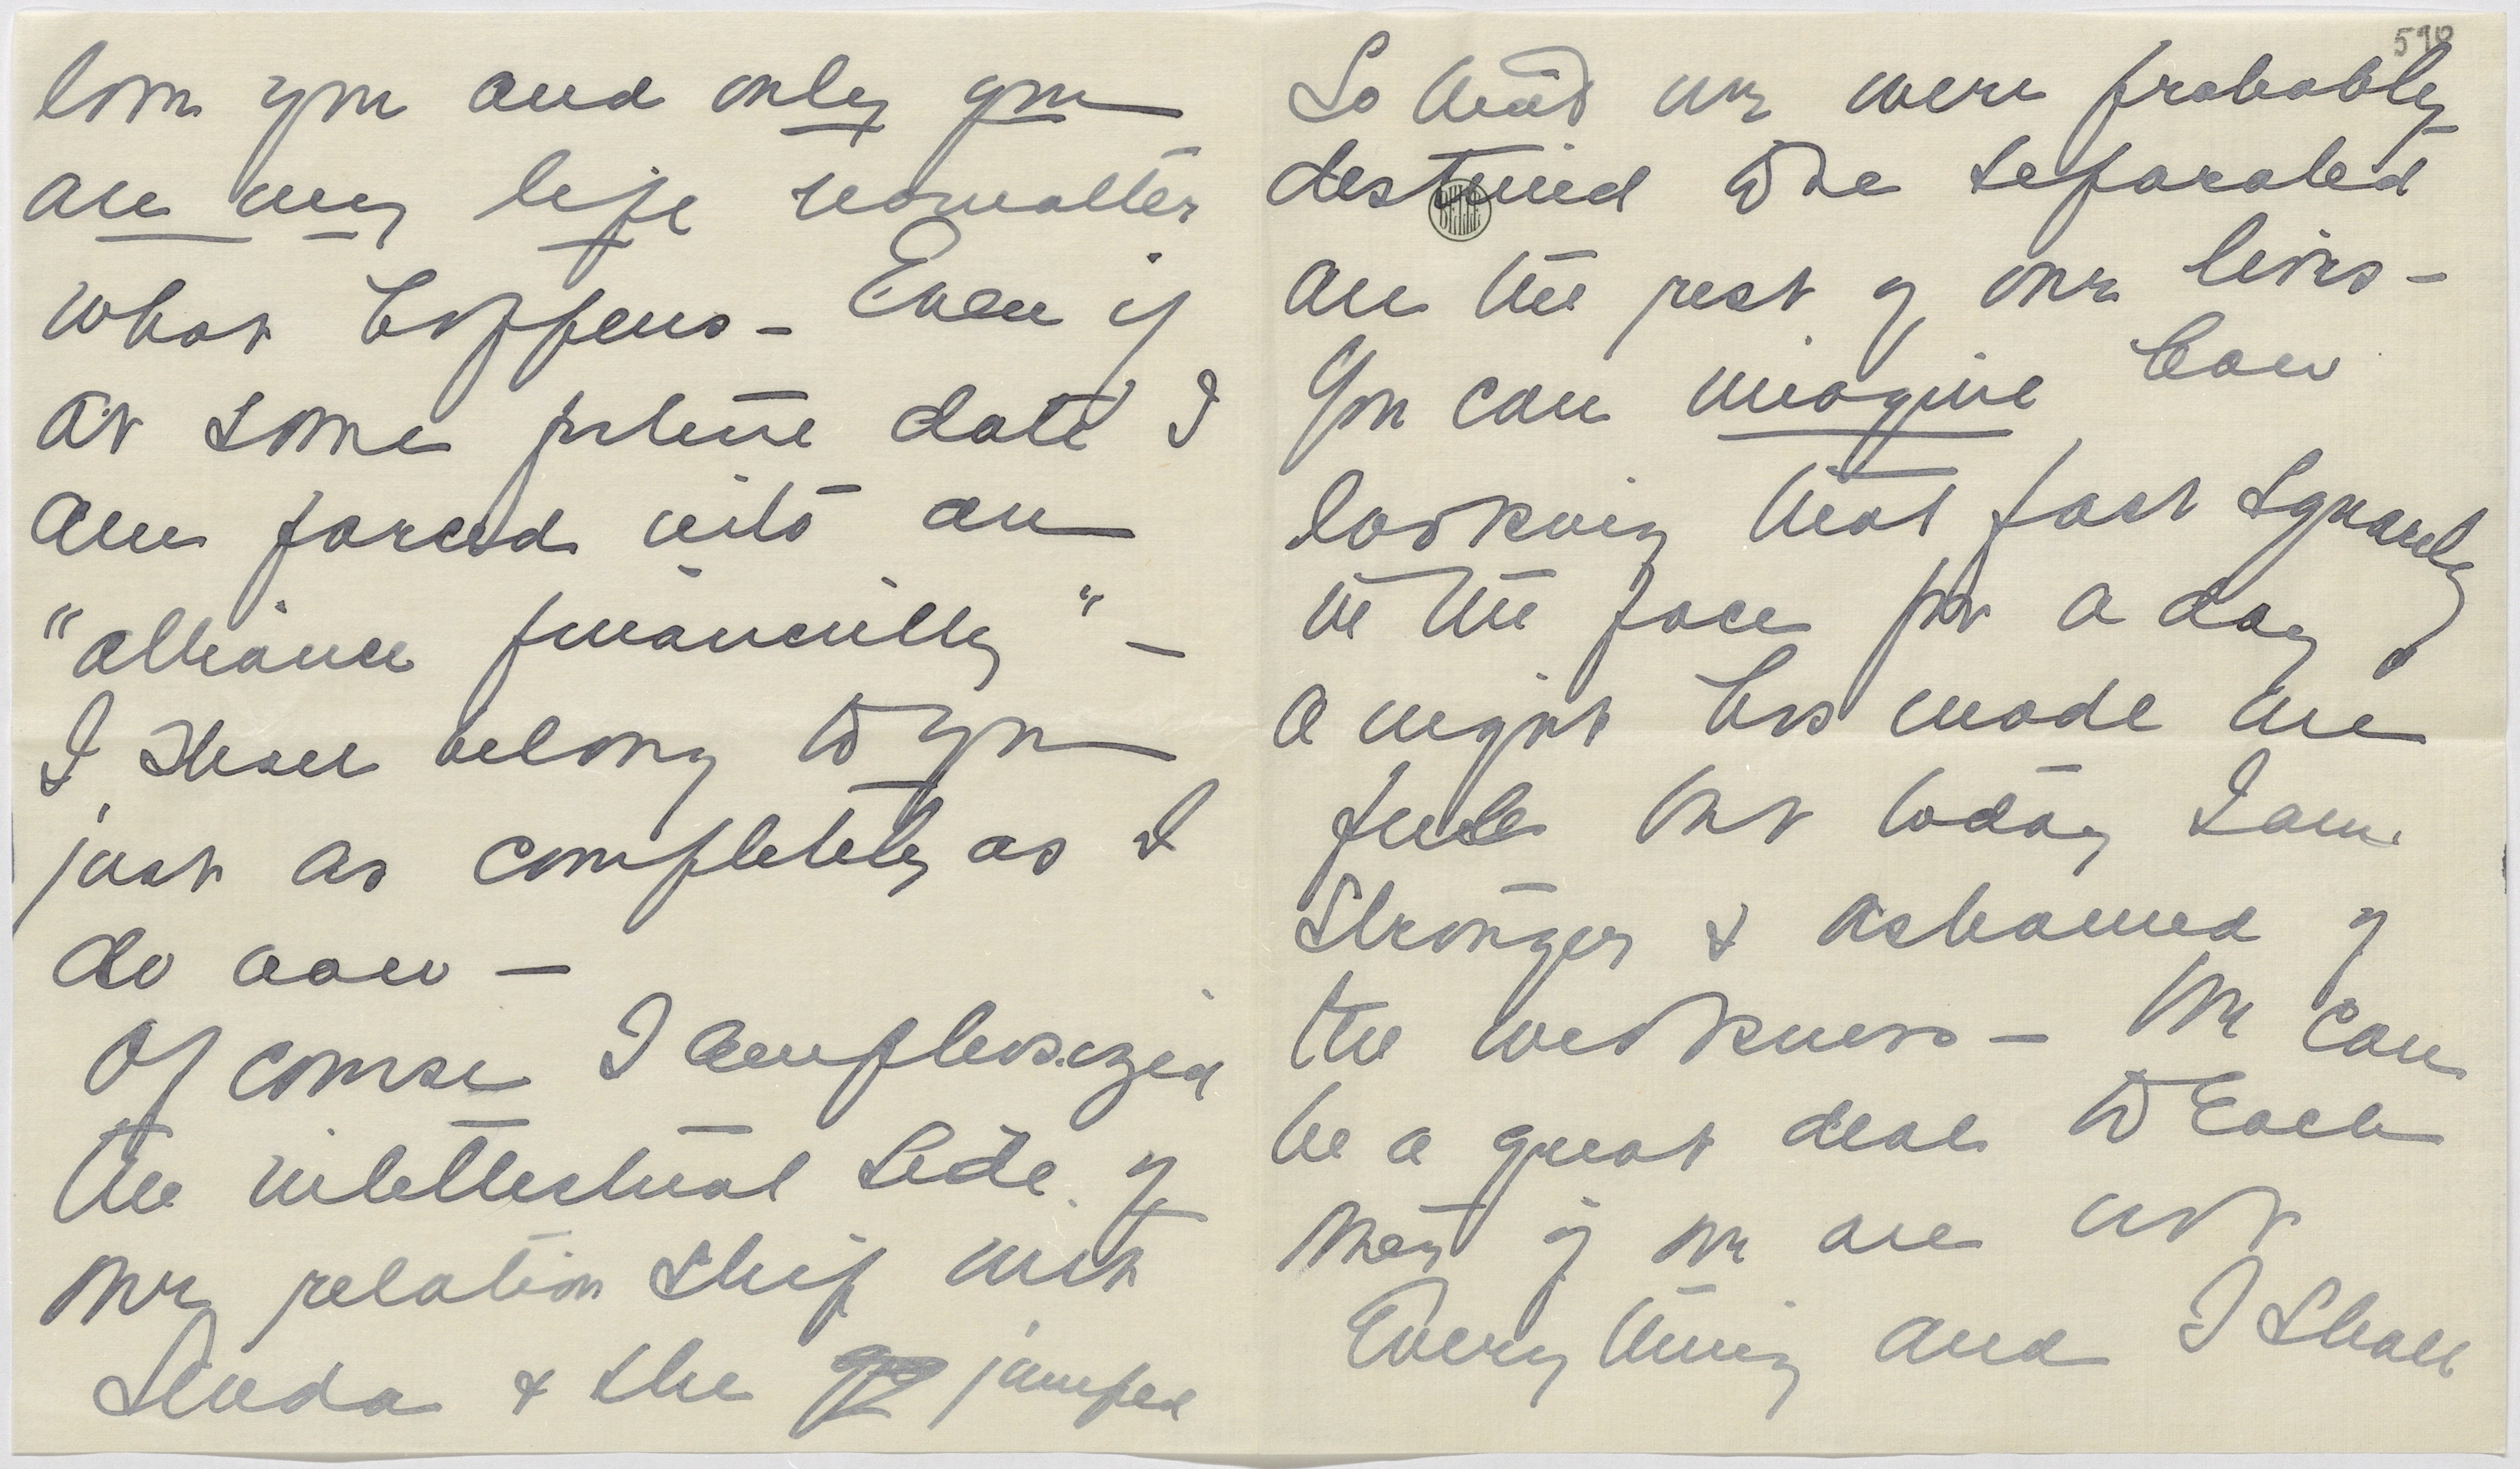So that we were probably destined to be separated all the rest of our lives – You can imagine how looking that fact squarely in the face for a day & a night has made me feel but today I am stronger & ashamed of the weakness – We can be a great deal to each other if we are not Every thing and I shall
love you and only you all my life no matter what happens – Even if at some future date I am forced into an “alliance financially” – I shall belong to you just as completely as I do now –
Of course I emphasized the intellectual side of our relation ship with Senda & she go jumped